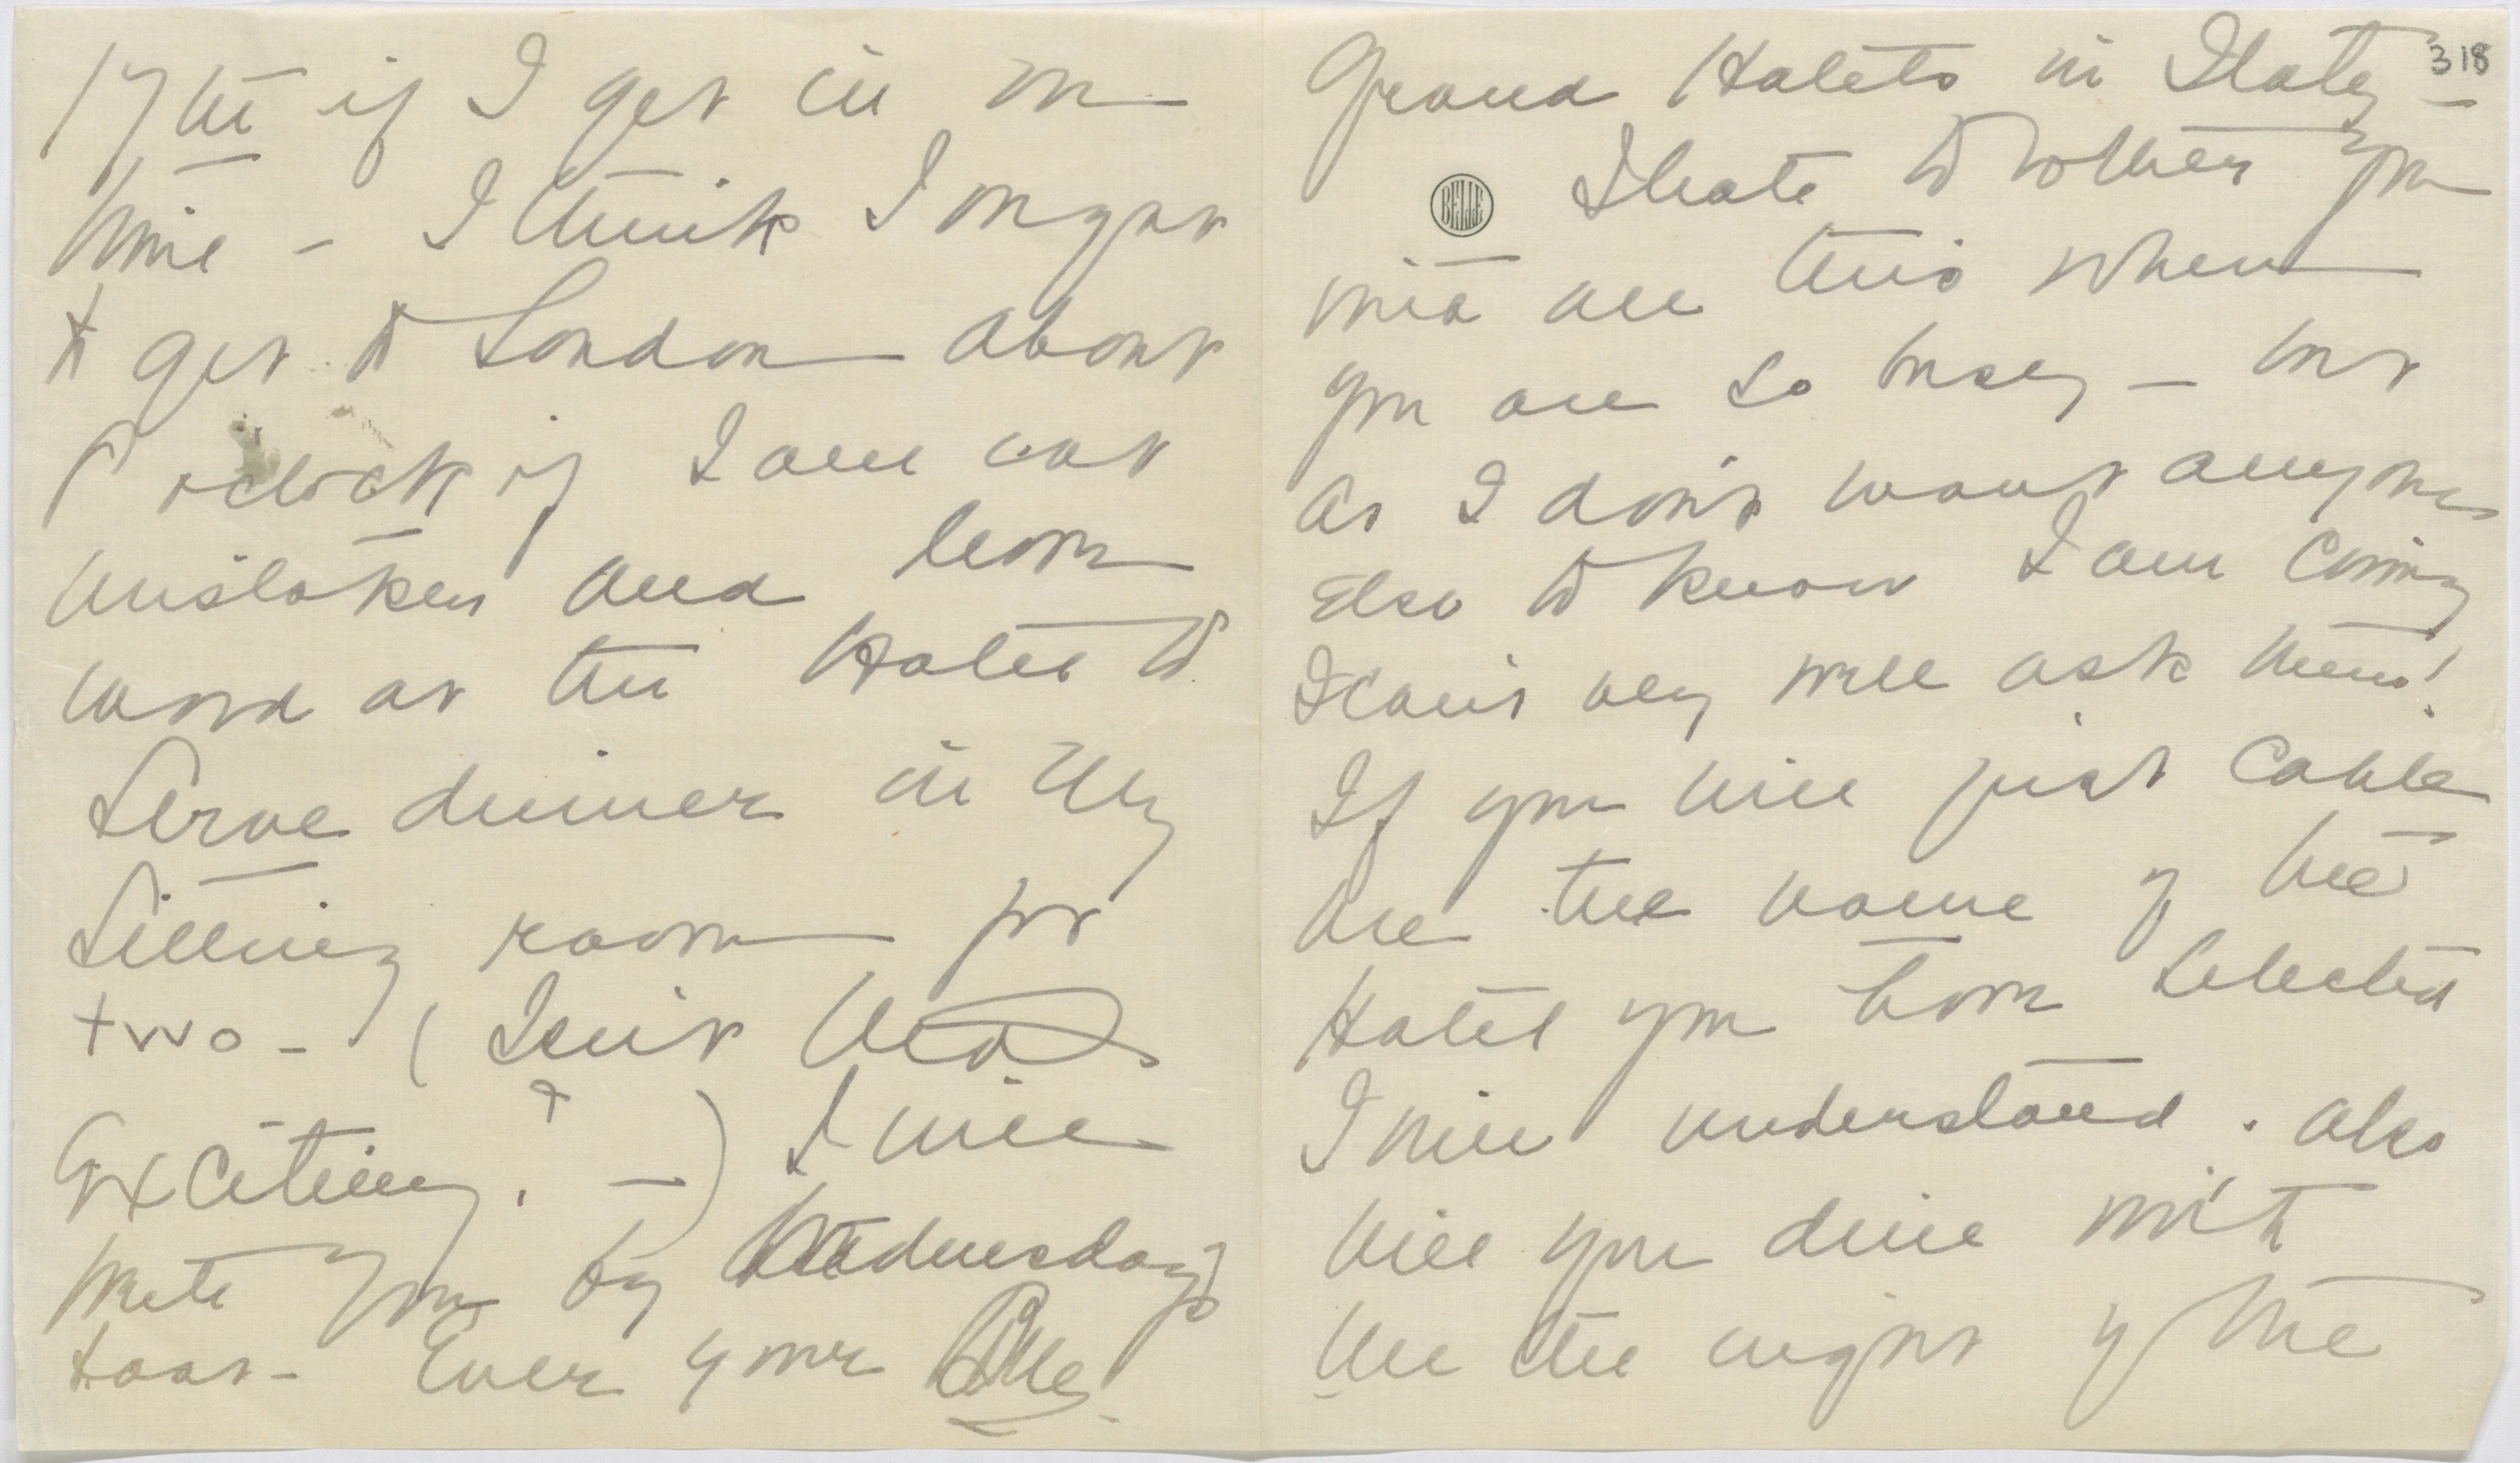Grand Hotels in Italy – I hate to bother you with all this when you are so busy – but as I don’t want anyone else to know I am coming I can’t very well ask them! If you will just cable me the name of the Hotel you have selected I will understand. also will you dine with me the night of the
17th if I get in on time – think I ought to get to London about 8 o’clock if I am not mistaken and leave word at the Hotel to serve dinner in my sitting room for [secretary script: two] (Isn’t that exciting? – ) I will write you by Wednesday’s boat – Ever your Belle.